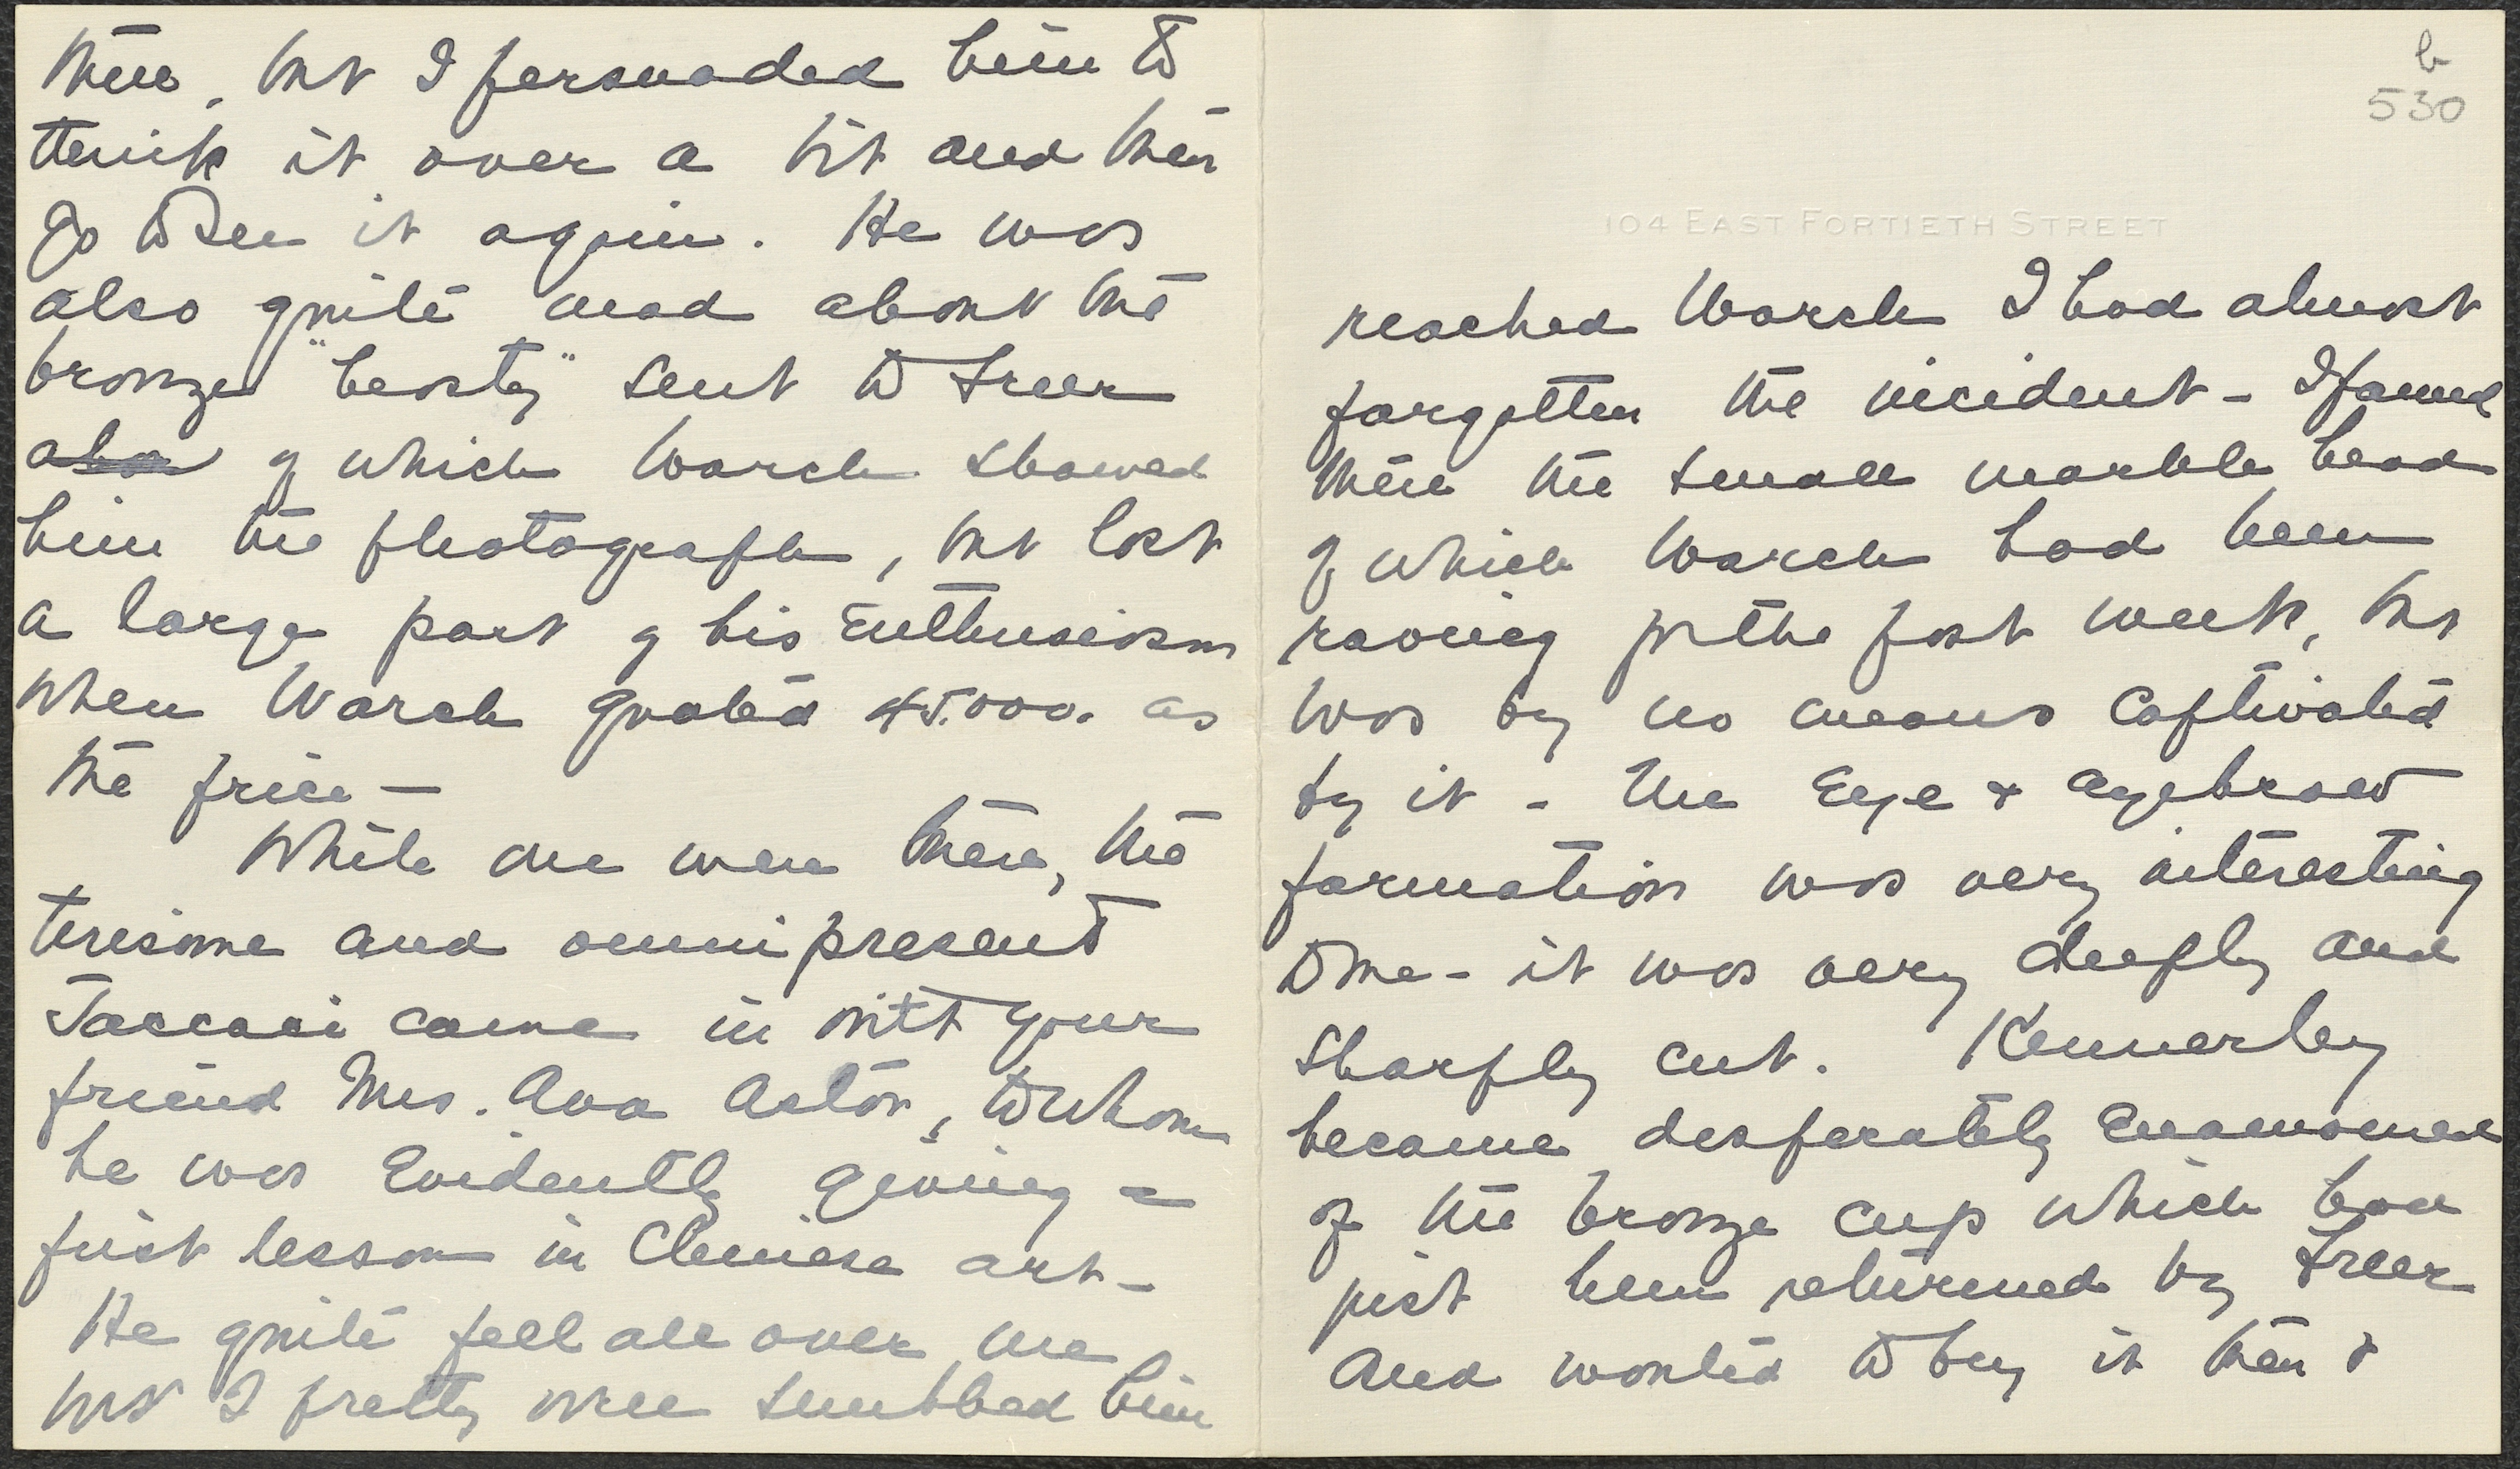reached Worch I had almost forgotten about the incident – I found there the small marble head of which Worch had been raving for the past week, but was by no means captivated by it – the eye & eyebrow formation was very interesting to me – it was very deeply and sharply cut. Kennerley became desperately enamoured of the bronze cup which had just been returned by Freer and wanted to buy it then &
there, but I persuaded him to think it over a bit and then go to see it again. He was also quite mad about the bronze “beasty” sent to Freer about of which Worch showed him the photograph, but lost a large part of his enthusiasm when Worch quoted 45,000. as the price –
While we were there, the tiresome and omnipresent Jaccaci came in with your friend Mrs. Ava Astor, to whom he was evidently giving a first lesson in Chinese art – He quite fell all over me but I pretty well snubbed him